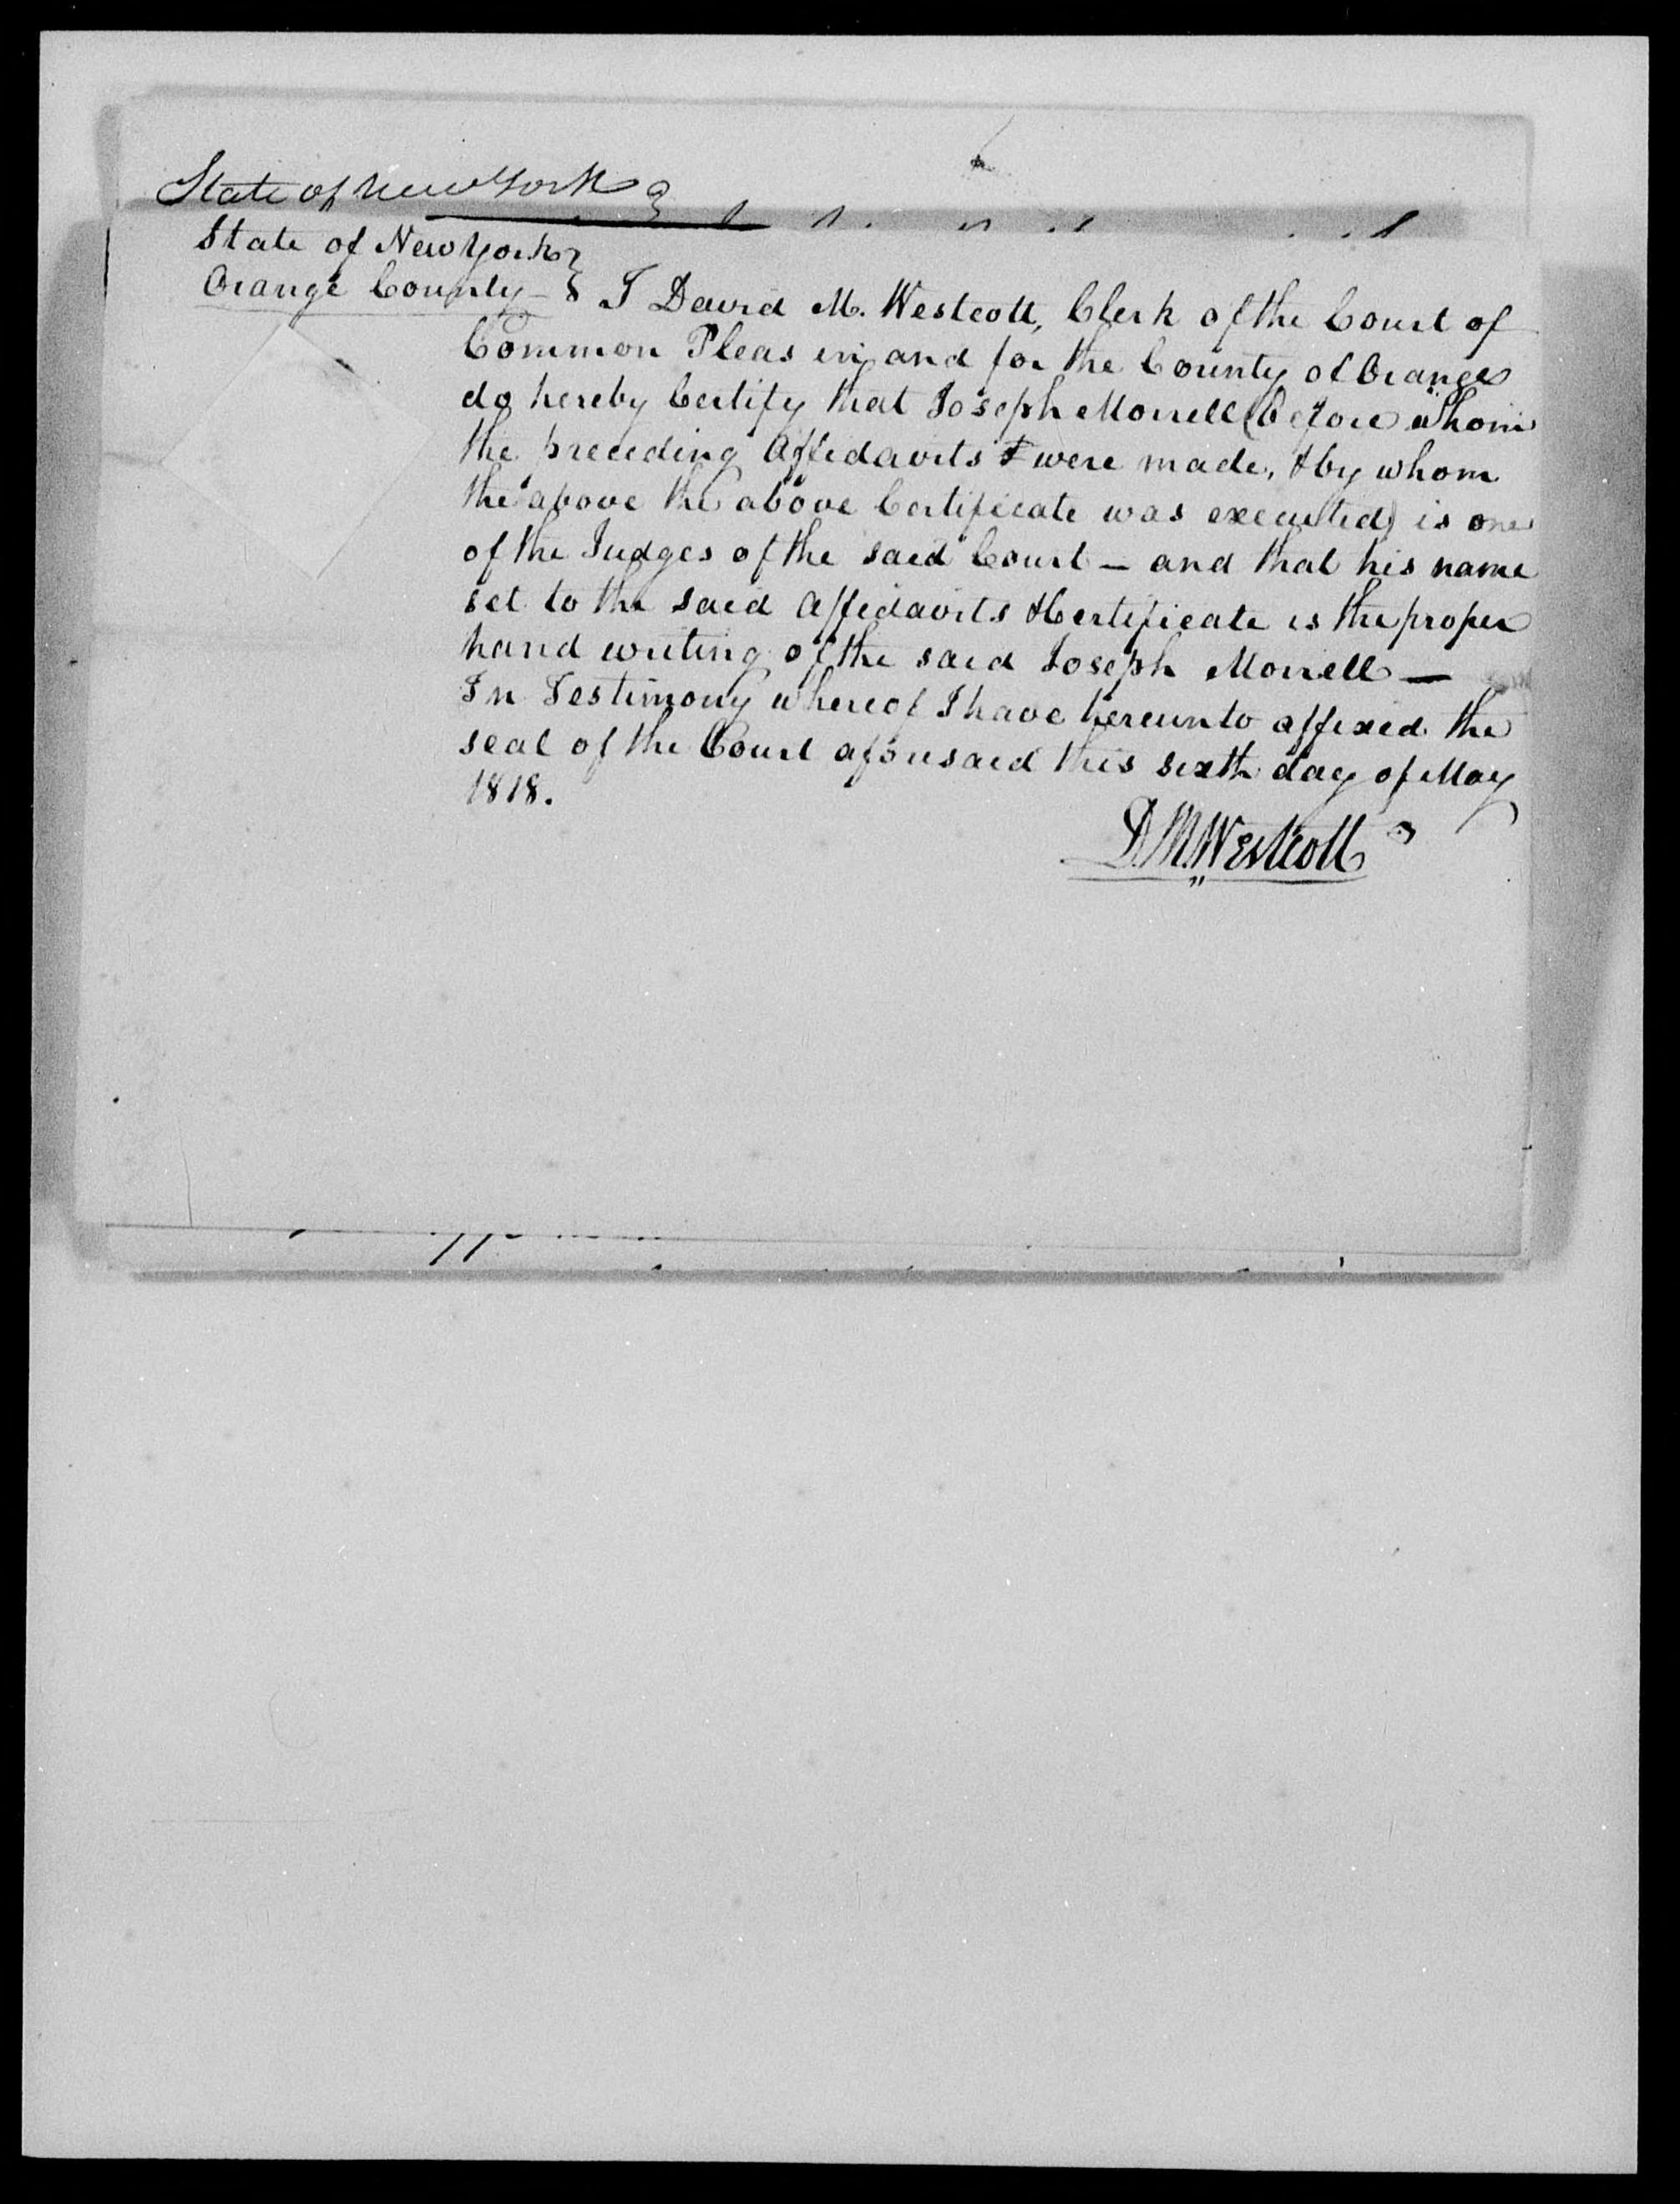State of New York
State of New York}
Orange County} Ss.  I David M Westcott, Clerk of the Court of Common Pleas in and for the County of Orange do hereby Certify that Joseph Morrell before whom the preceding affidavits were made, & by whom the above Certificate was executed is one of the Judges of the said Court -- and that his name set to the said affidavit & Certificate is the proper hand writing of the said Joseph Morrell -- In Testimony whereof I have hereunto affixed the seal of the Court aforesaid this sixth day of May 1818

[signature] D M Westcott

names: David M Westcott; Joseph Morrell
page: 9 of 23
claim: survivor's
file: S 42891, for Isaac Lockwood, New York